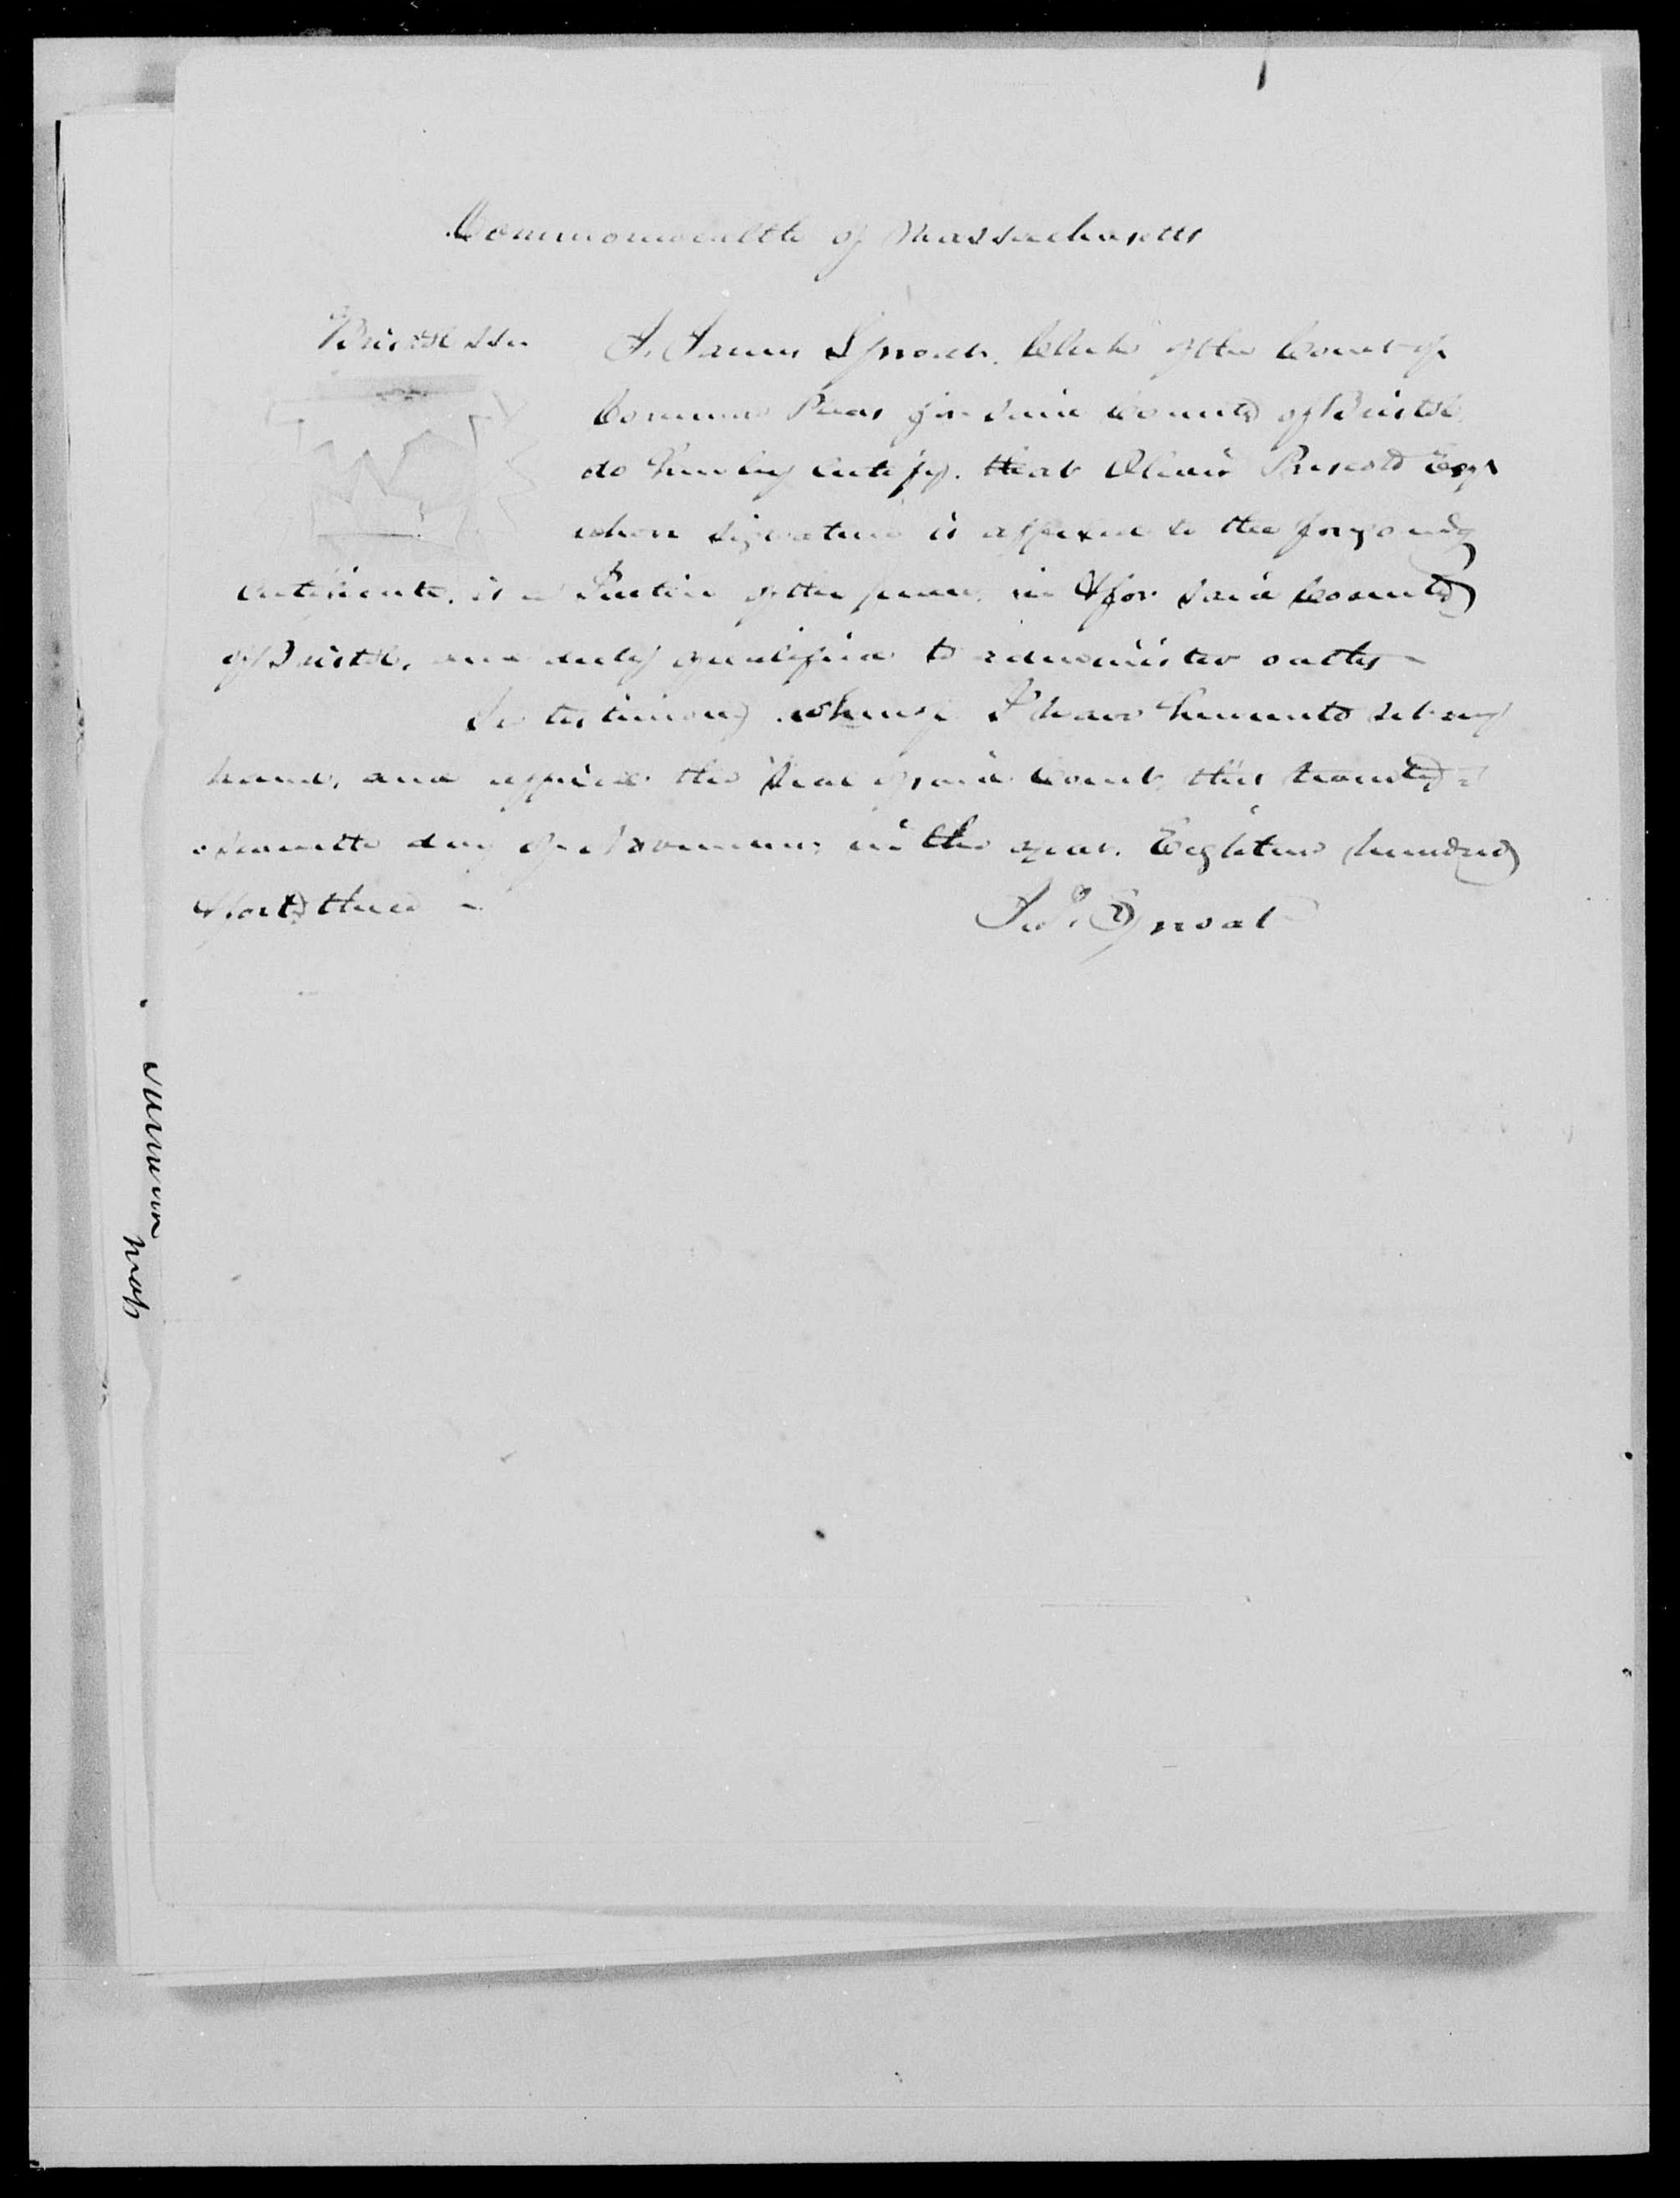Commonwealth of Massachusetts
Bristol  Seal  [seal affixed below]
I, James Sproat, Clerk of the 
Common Pleas for said County of Bristol
do hereby certify, that Oliver Prescott Esq
whose signature is affixed to the foregoing
certificates, is a Justice of the peace in & for said County
Of Bristol, with a duly qualified to administer oaths.
testimony thereof.  I have hereunto set my
hand, and affixed the seal of said Court, this twenty
second day of November in the year Eighteen hundred
forty three.
Jas. Sproat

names: Oliver Prescott; James Sproat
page: 14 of 54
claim: widow's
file: W. 26,897, for George Pitts, Massachusetts